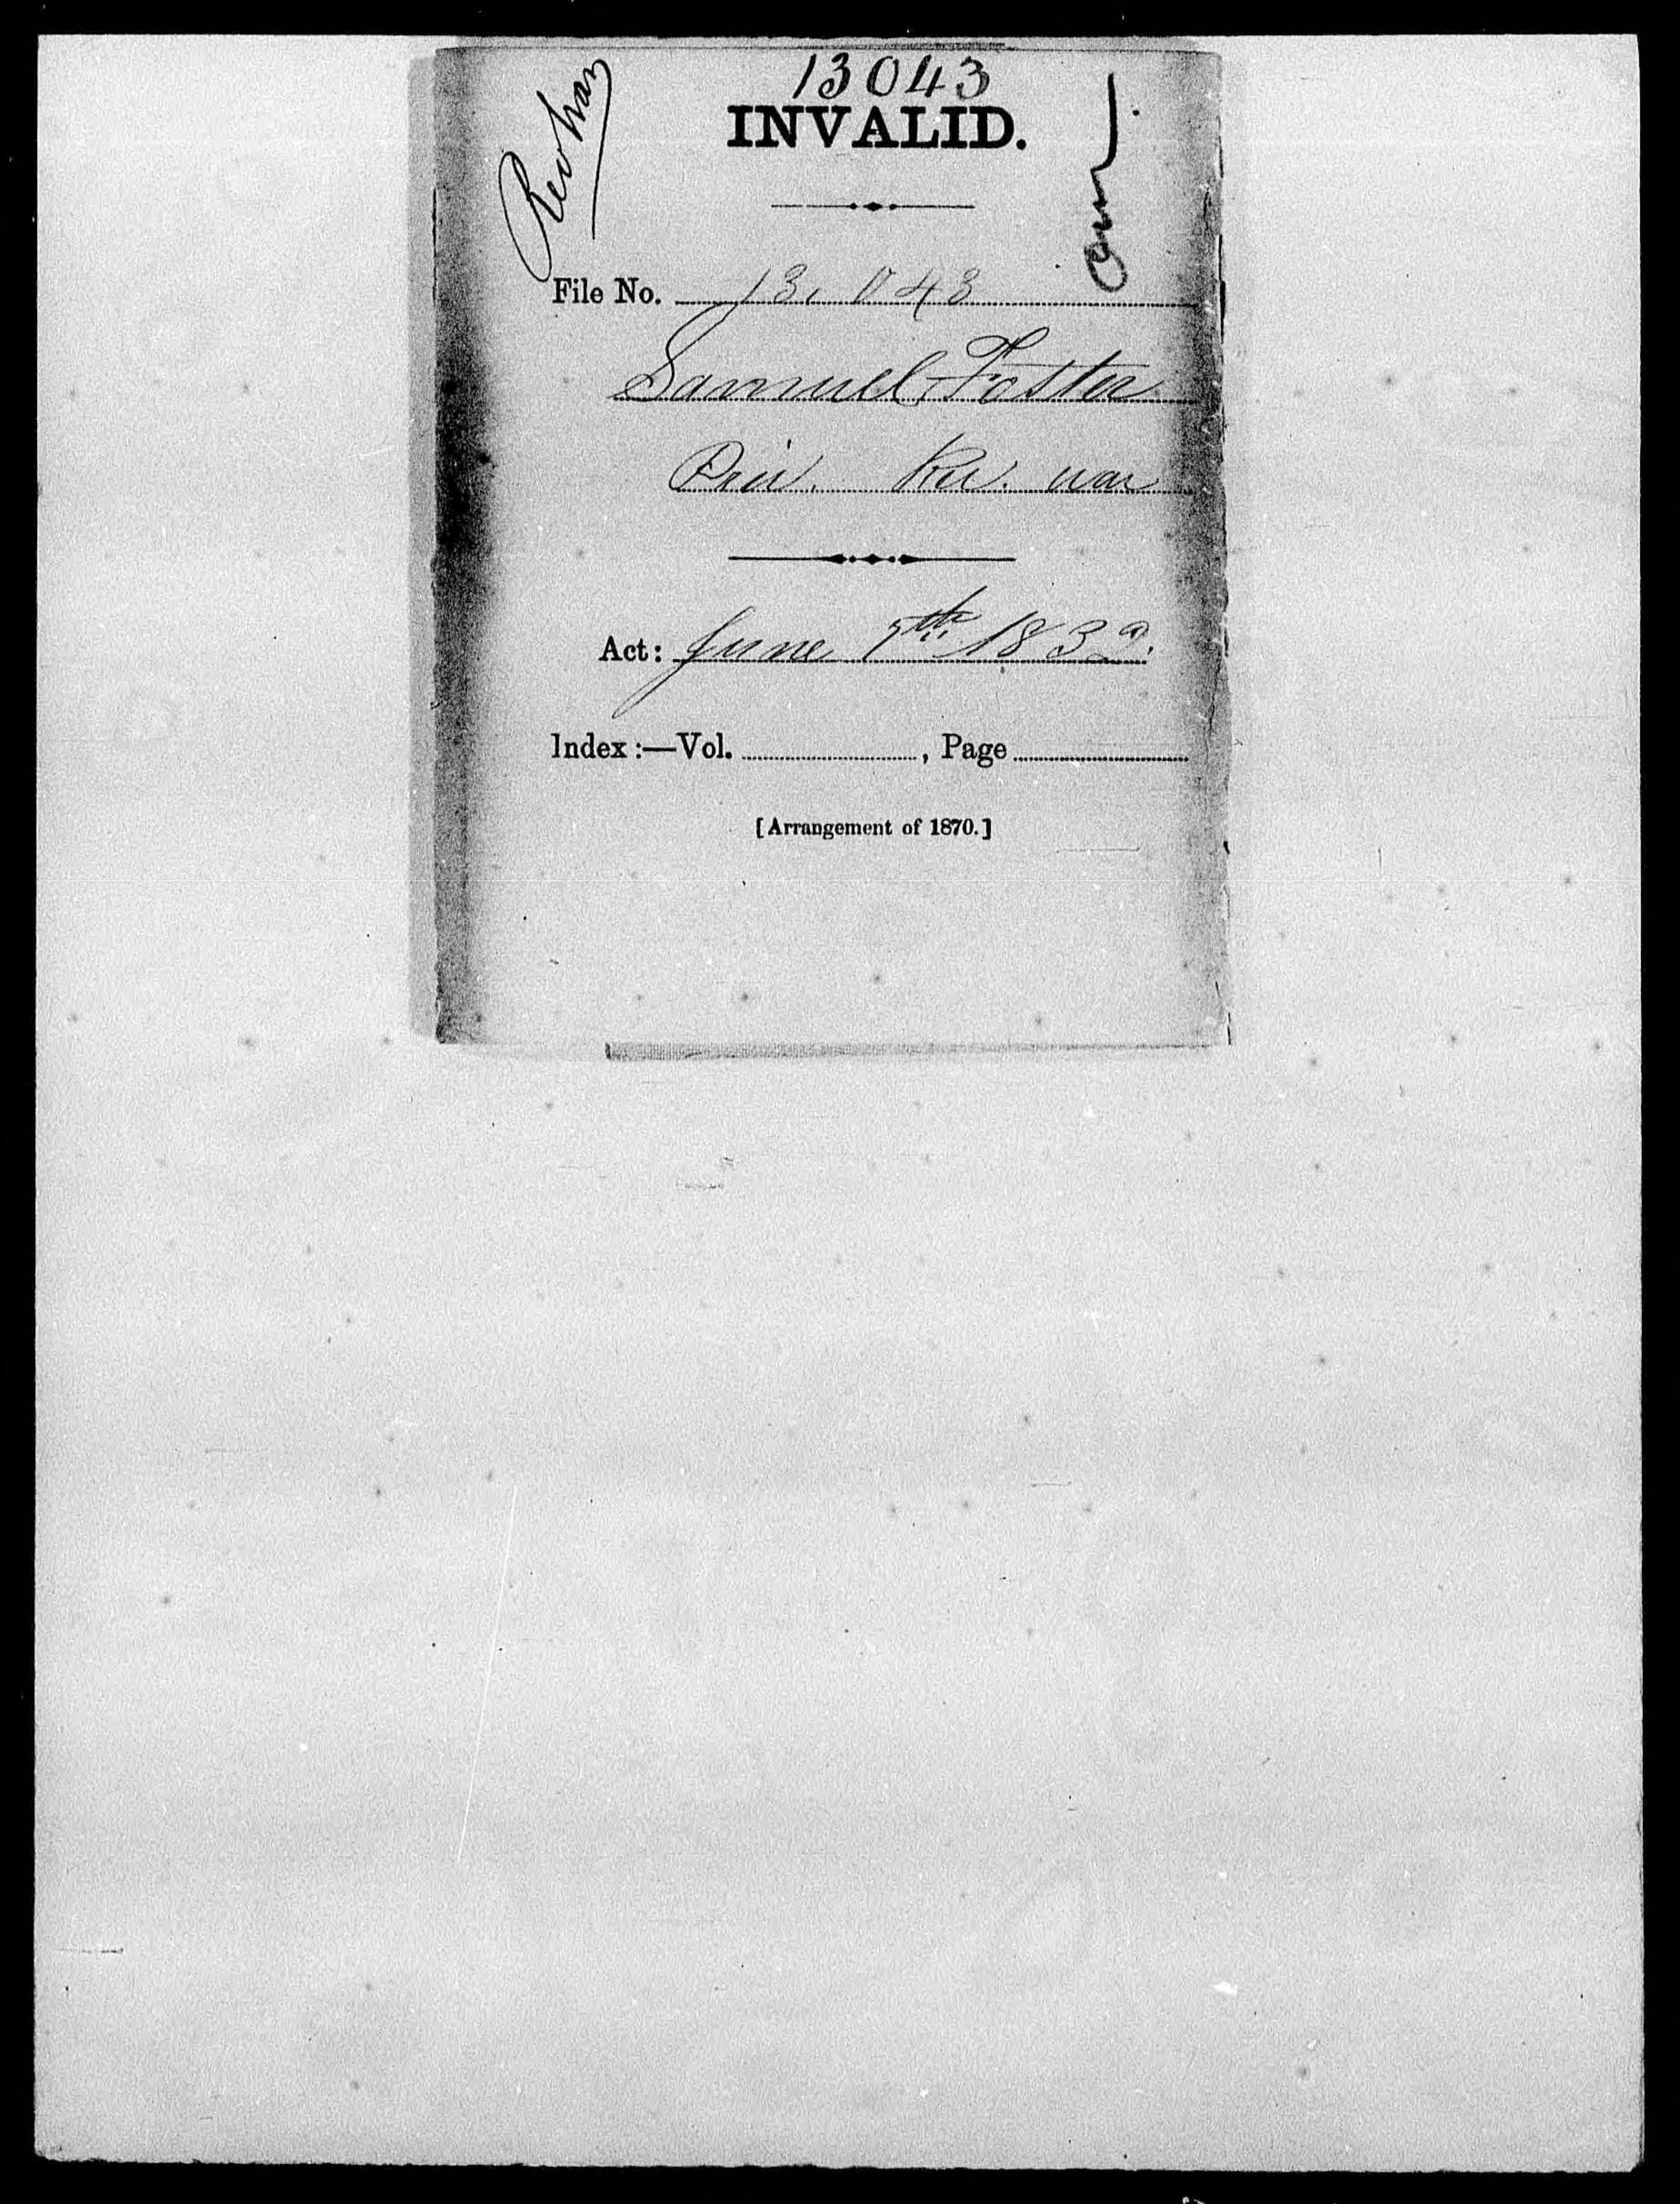13043
INVALID.
[illegible notations written vertically on both sides of page]
File No. 13.043
Samuel Foster
Priv. Rev. war
Act:  June 7th 1832.
Index:-Vol. , Page
[Arrangement of 1870.]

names: Samuel Foster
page: 11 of 54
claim: survivor's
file: S. 13,043, Samuel Foster, Conn.